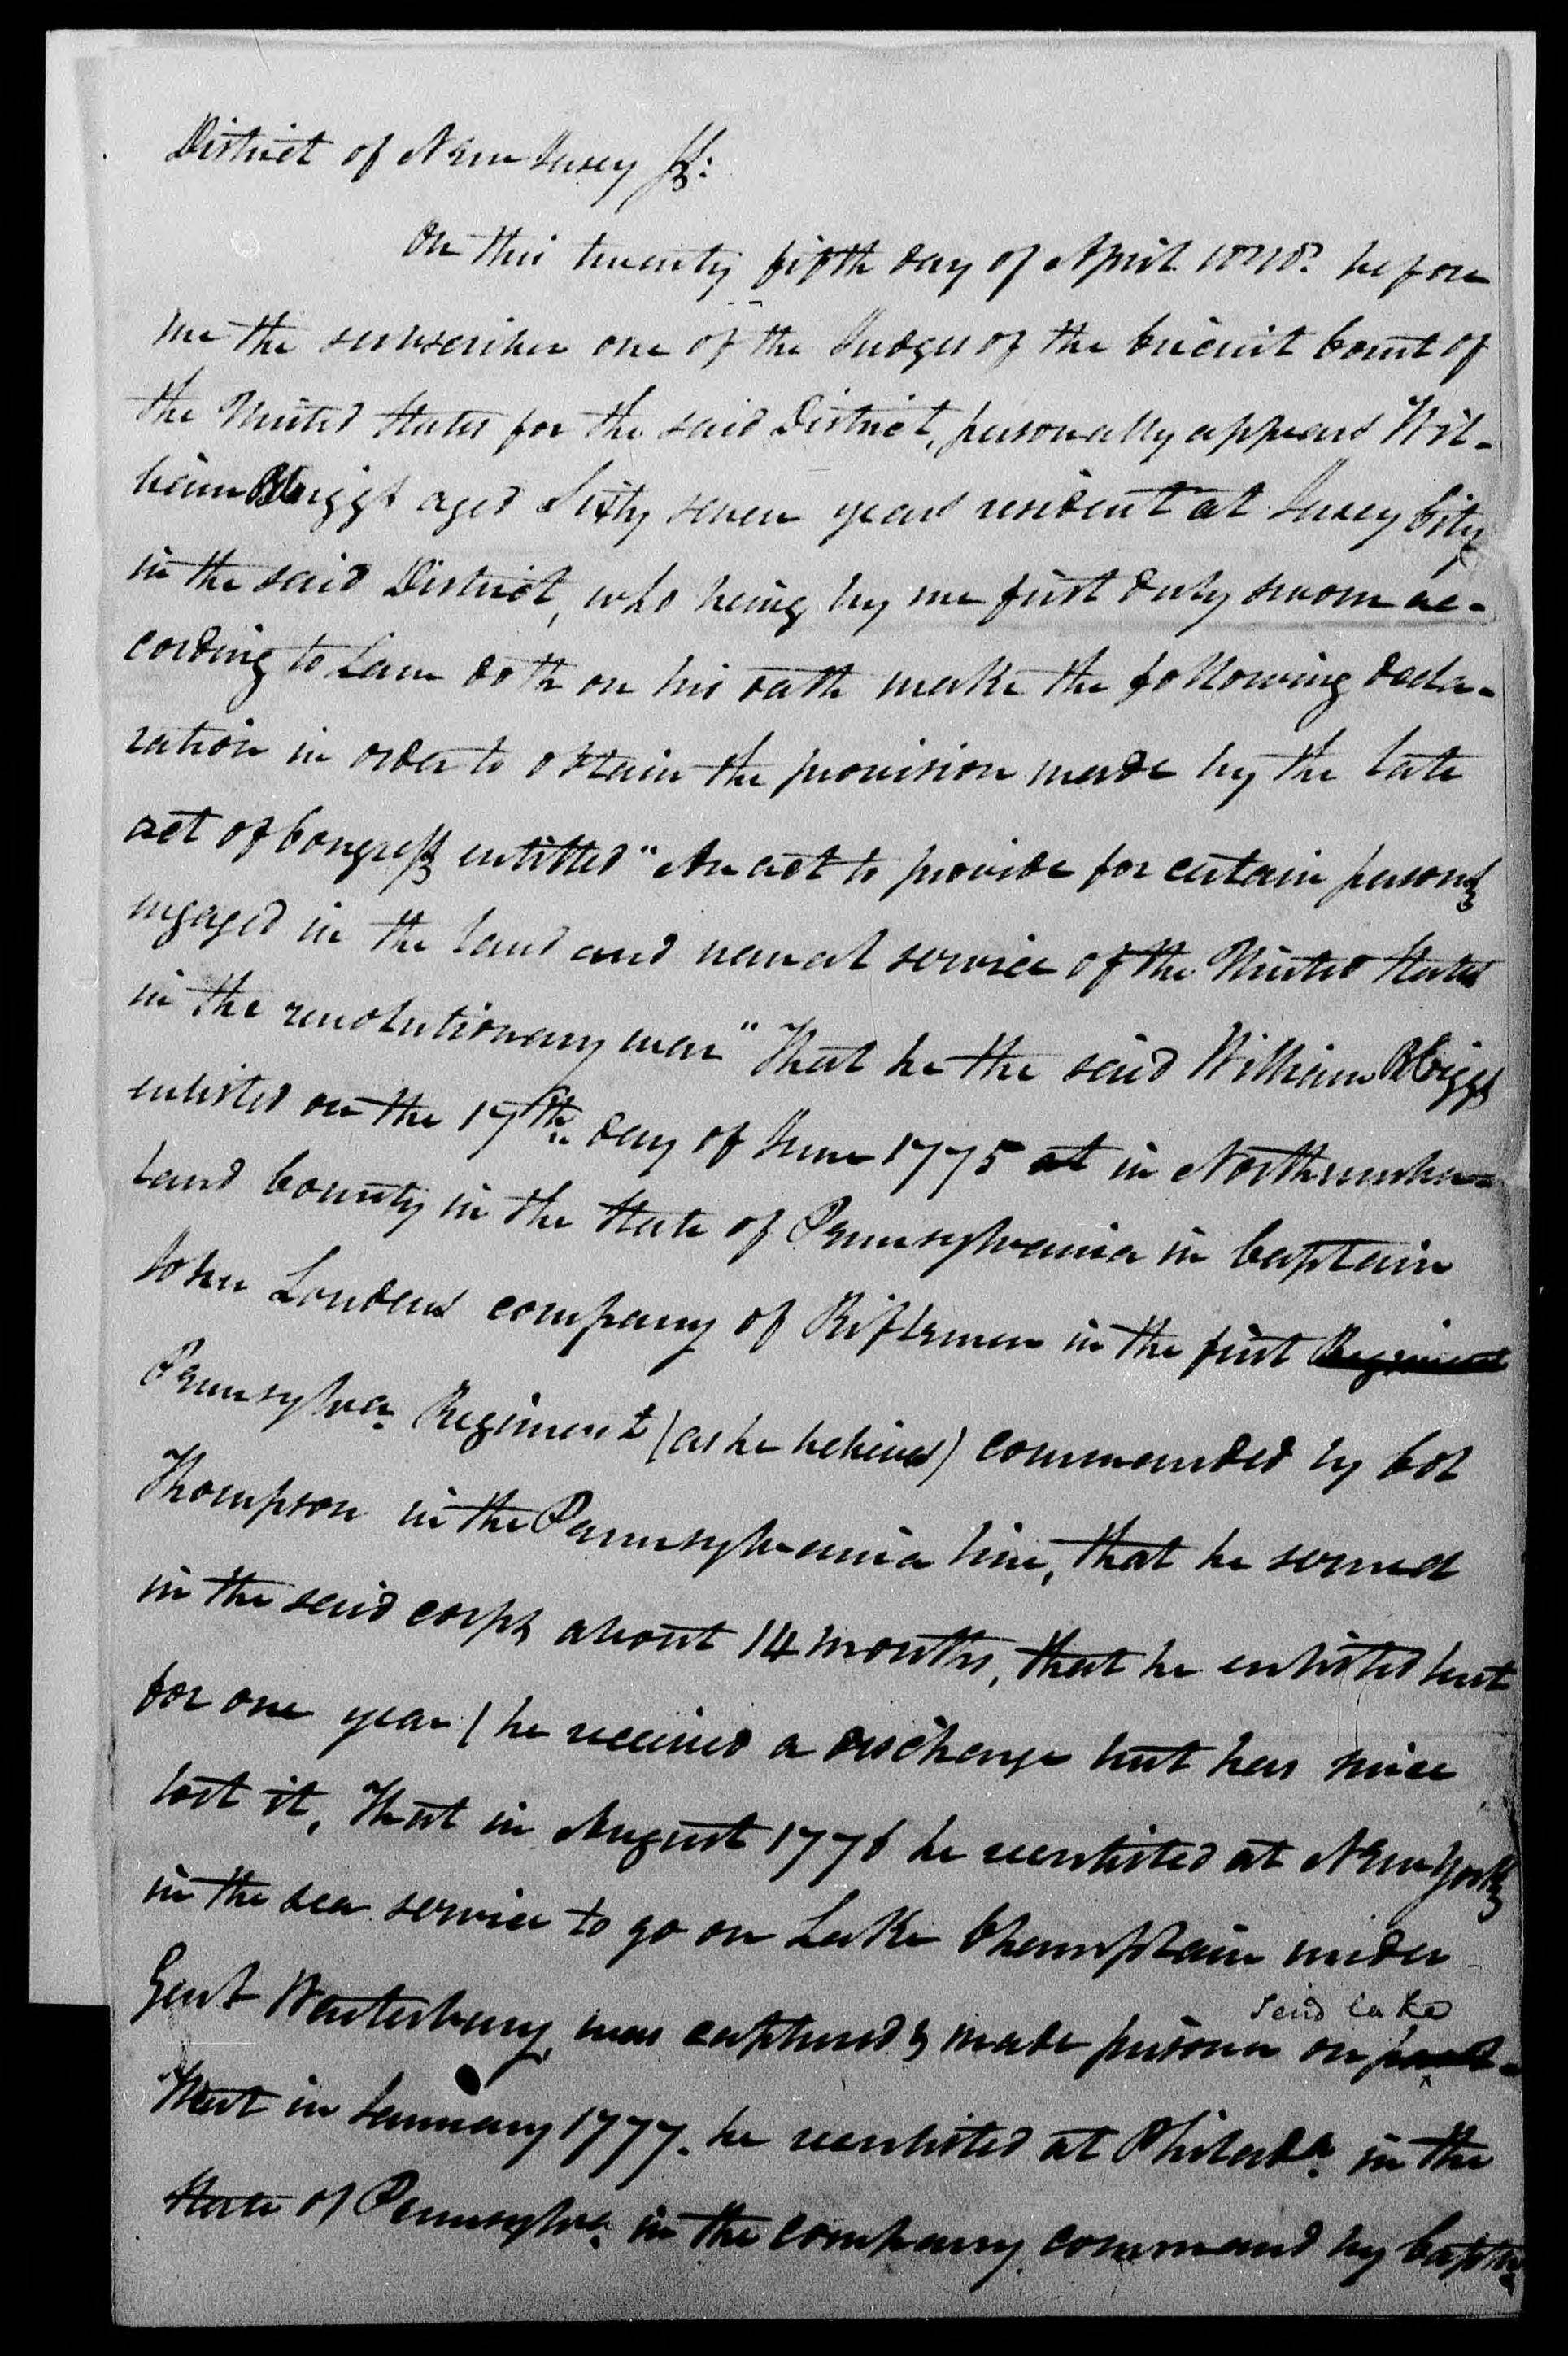District of New Jersey ss 
On this twenty fifth day of April 1820 before me the subscriber one of the Judges of the circuit court of the United States for the said district personally appeared William Briggs aged sixth seven years resident of Jersey City in the said district, who having by me first duly sworn according to law doth on his oath make the following declaration in order to obtain the provision made by the late act of Congress entitled "An act to provide for certain persons engaged in the land and naval service of the United States in the revolutionary war" That he the said Willaim Briggs enlisted on the 17th day of June 1775 in Northumberland County in the State of Pennsylvania in Captain John Loudon's Company of Riflemen in the first Pennsylvania Regiment (as he reckons) commanded by Colonel Thompson in the Pennsylvania Line, that he served in the said corps about 14 months, the he enlisted first for one year, he received a discharge but has since lost it. Then in August 1776 he enlisted at New York in the sea service to go on Lake Champlain under Genl Waterbury, was captured & made prisoner on said lake. That in January 1777, he reenlisted at Philadelphia in the state of Pennsylvania in the company commanded by Captain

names: William Briggs, Thompson, William Briggs, Wasterbury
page: 6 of 9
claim: survivor's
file: S. 34,076, William Briggs, Penn.